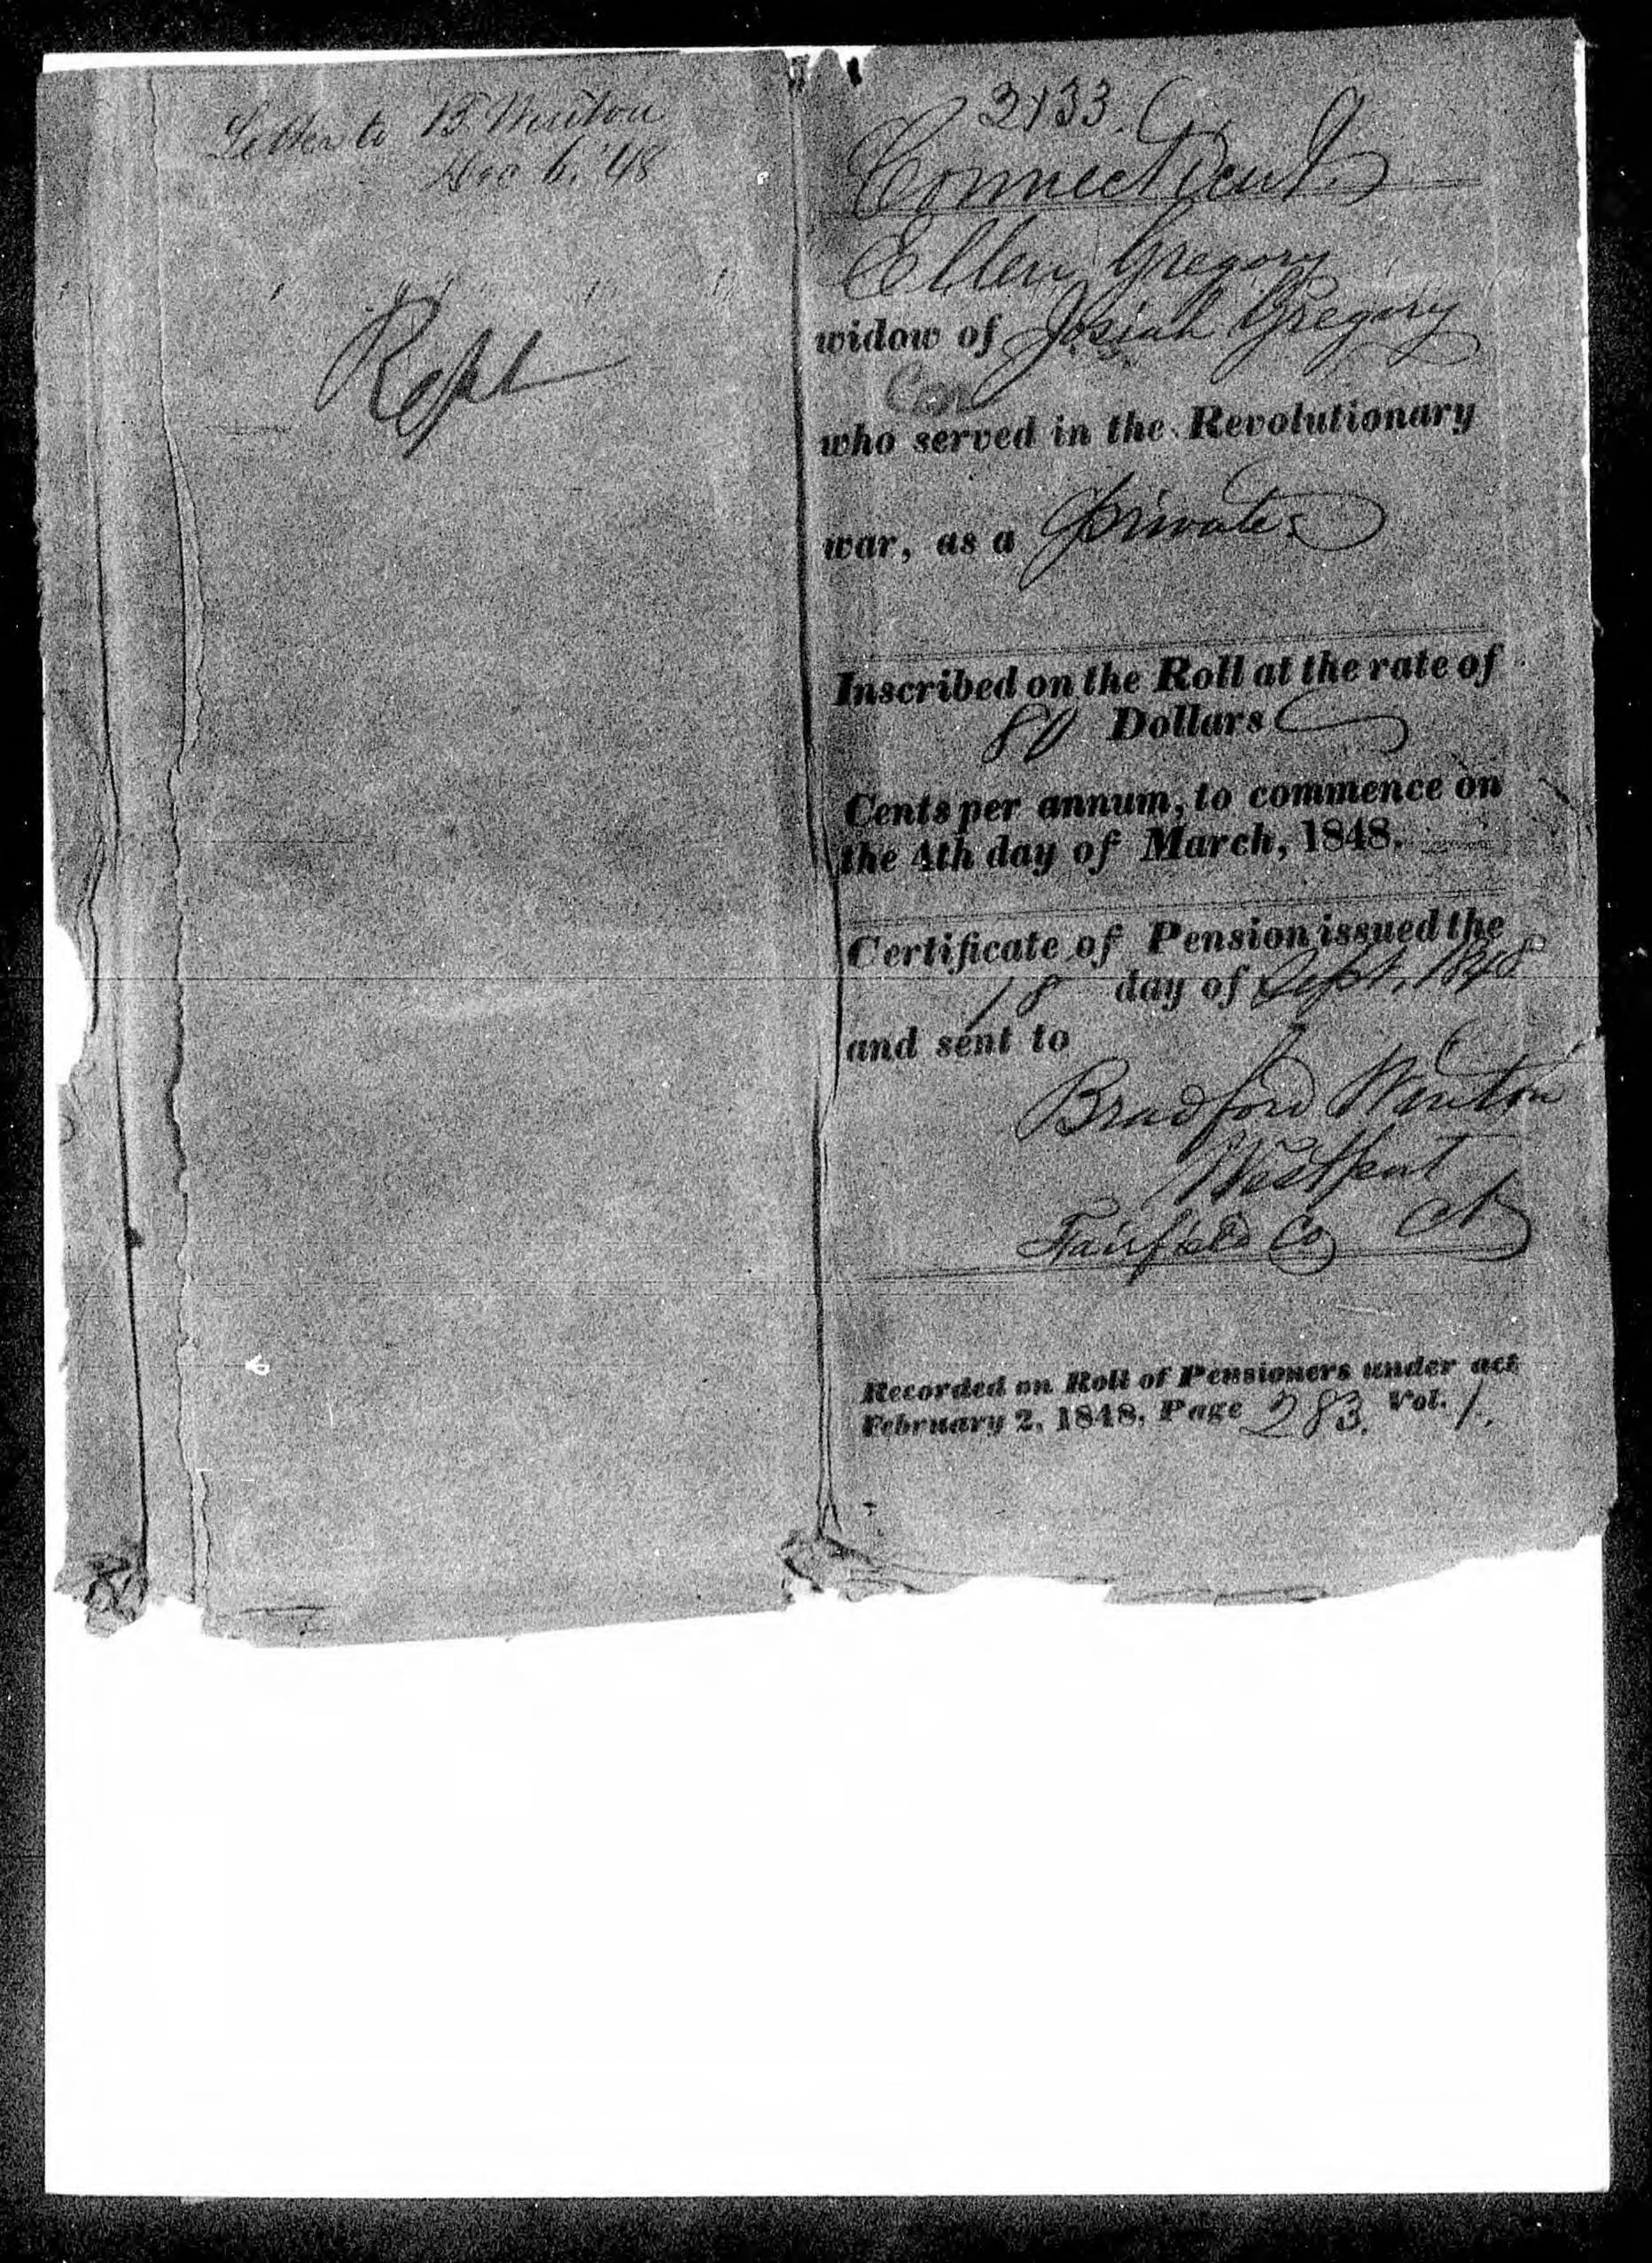[LEFT PAGE]

Letter to B. Winton
             Dec 6, '48

       Repl

[RIGHT PAGE]

3133
Connecticut,
Ellen Gregory
widow of Josiah Gregory
Con
who served in the Revolutionary
War, as a private

Inscribed on the Roll at the rate of
80 Dollars
Cents per annum, to commence on
the 4th day of March, 1848.
Certificate of Pension issued the
18 day of Sept. 1848
and sent to
Bradford Winton
Westport
Fairfield Co  Ct
Recorded on Roll of Pensioners under act
February 2, 1848, Page 283 Vol. 1.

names: Josiah Gregory, B Winton, Bradford Winton, Ellen Gregory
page: 2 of 49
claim: widow's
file: W 24308, Josiah Gregory, Conn.